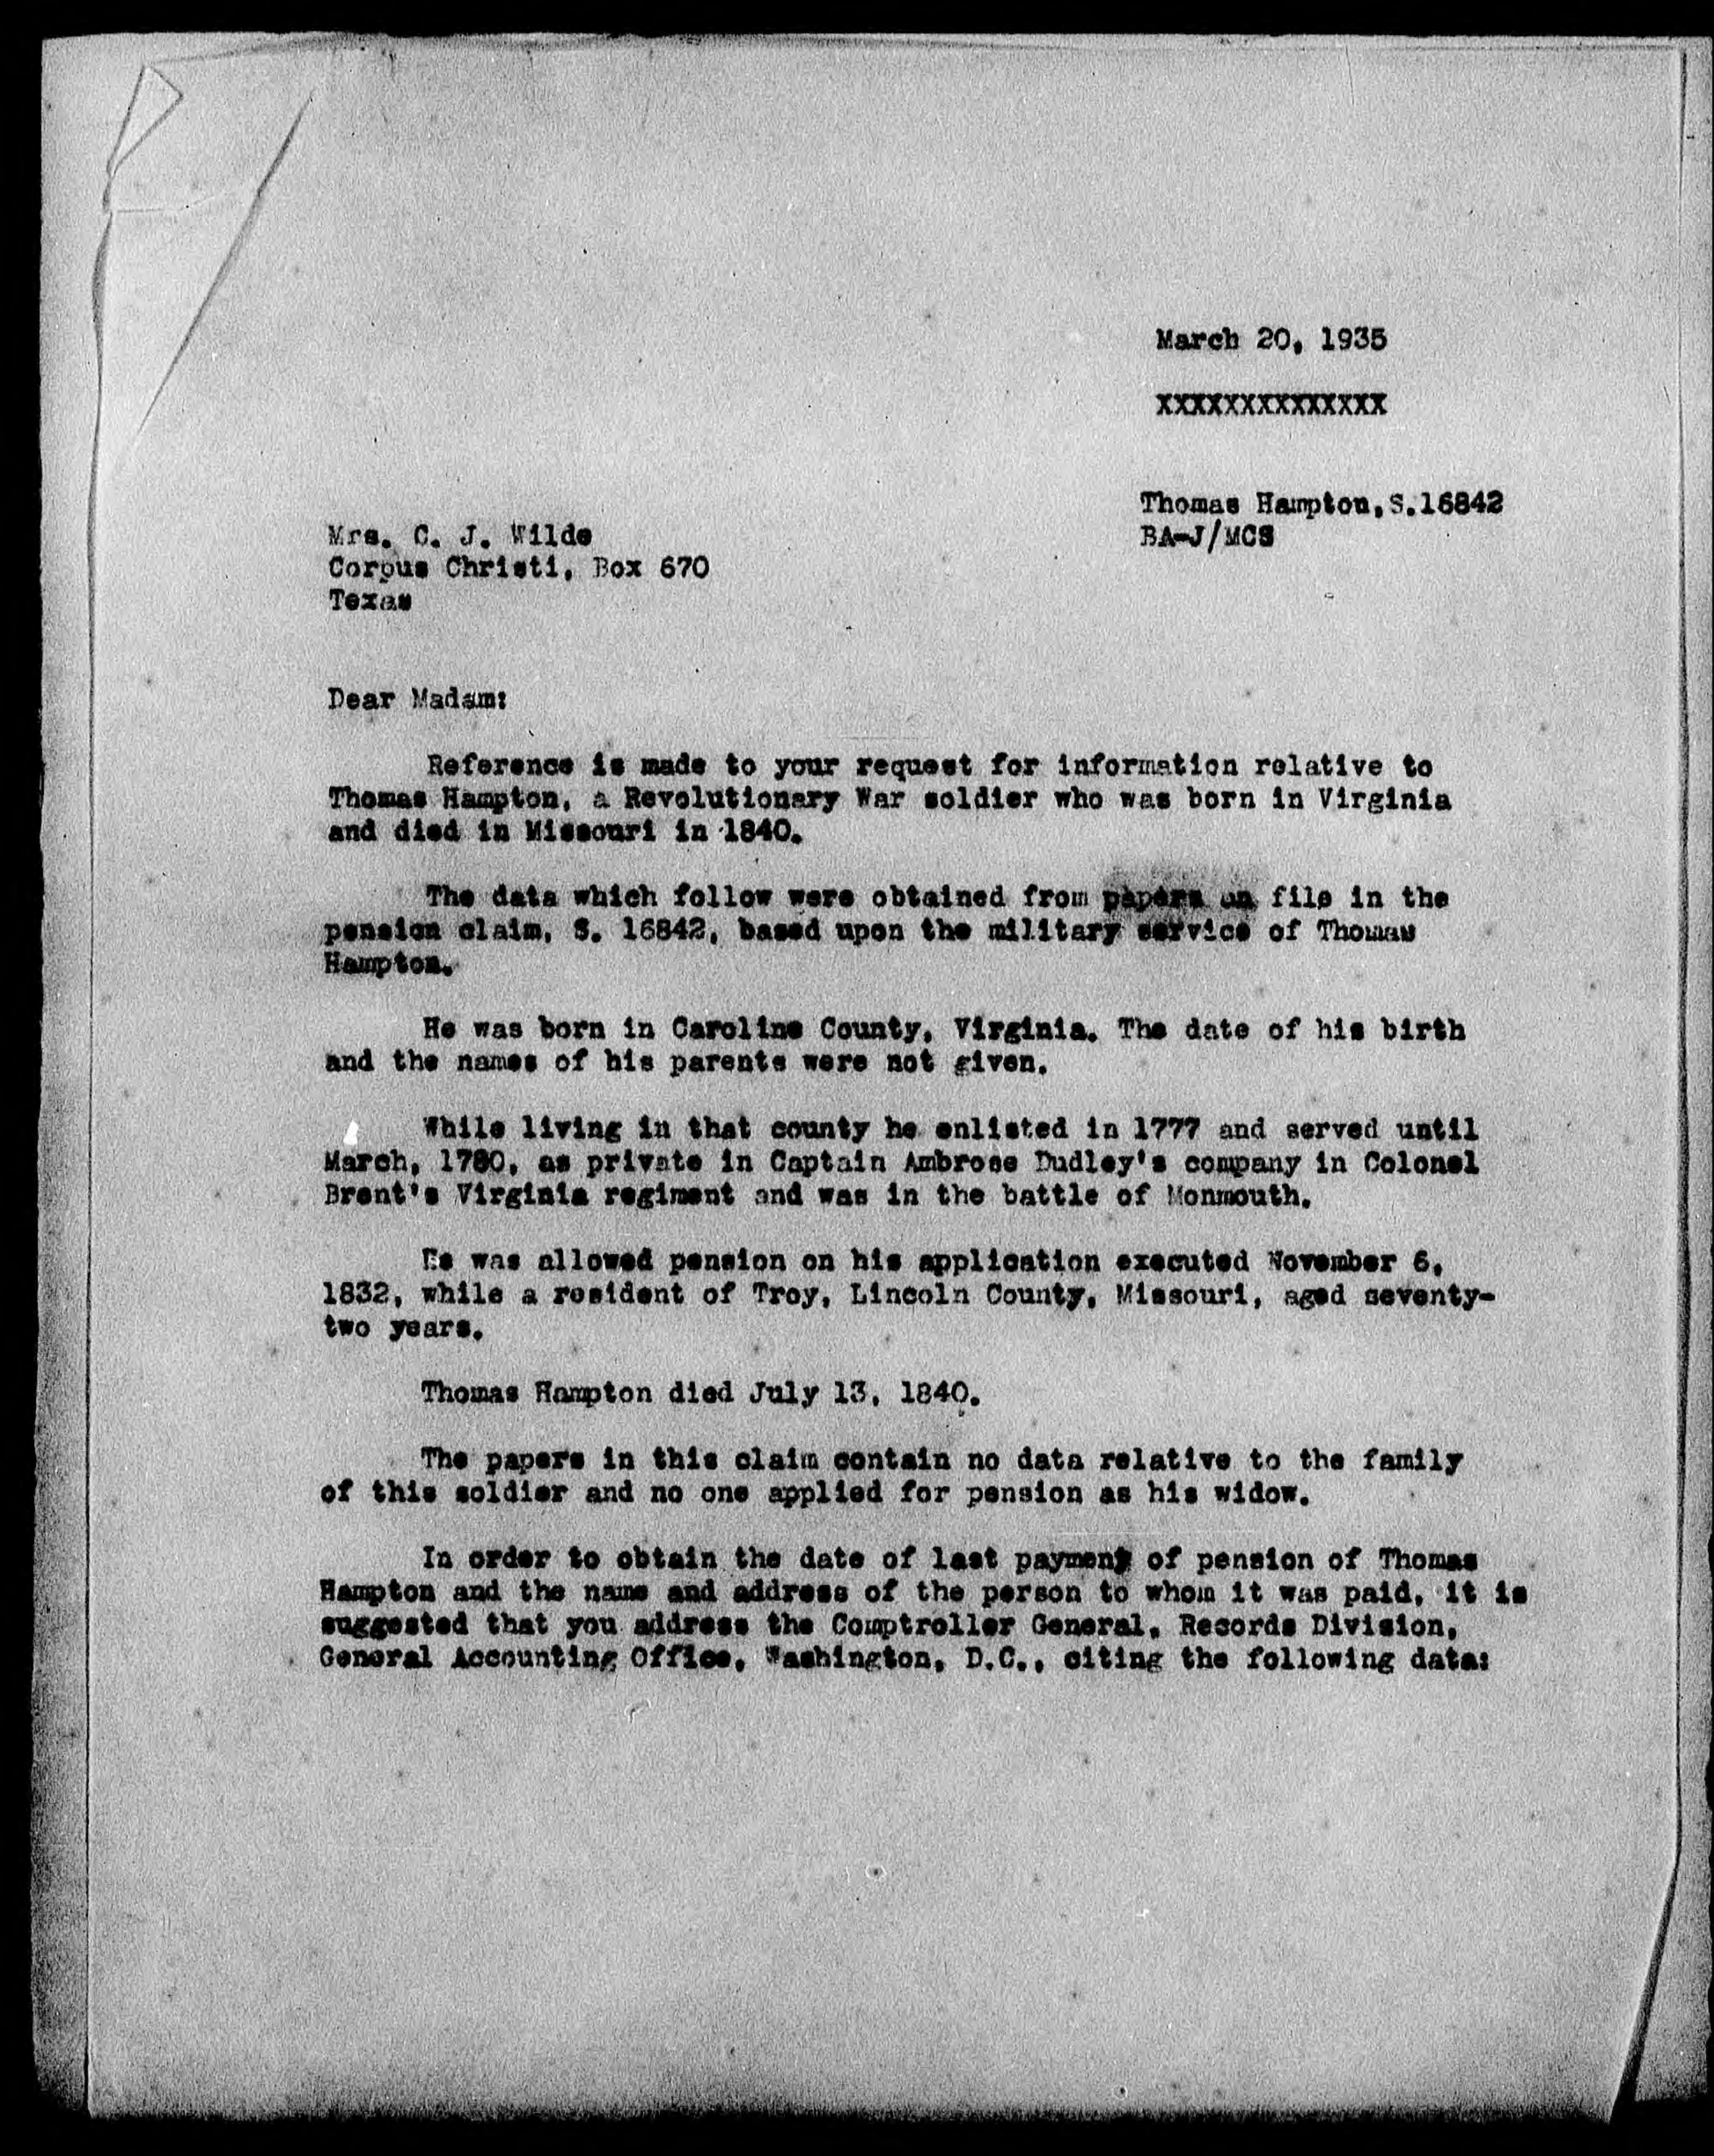March 20, 1935
xxxxxxxxx
Thomas Hampton, S. 16842
BA-J/MCS

Mrs. C. J. Wilde 
Corpus Christi, Box 670 
Texas

Dear Madam:
Reference is made to your request for information relative to Thomas Hampton, a Revolutionary War soldier who was born in Virginia and died in Missouri in 1840.
The data which follow were obtained from papers on file in the pension claim, S. 16842, based upon the military service of Thomas Hampton.
He was born in Caroline County, Virginia. The date of his birth and the names of his parents were not given.
While living in that county he enlisted in 1777 and served until March, 1780, as private in Captain Ambrose Dudley's company in Colonel Brent's Virginia regiment and was in the battle of Monmouth.
He was allowed pension on his application executed November 6, 1832, while a resident of Troy, Lincoln County, Missouri, aged seventy-two years.
Thomas Hampton died July 13, 1840.
The papers in this claim contain no data relative to the family of this soldier and no one applied for pension as his widow.
In order to obtain the date of last payment of pension of Thomas Hampton and the name and address of the person to whom it was paid, it is suggested that you address the Comptroller General, Records Division, General Accounting Office, Washington, D.C., citing the following data:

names: Thomas Hampton, Thomas Hampton, C J Wilde, Thomas Hampton, Thomas Hampton, Thomas Hampton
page: 17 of 26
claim: survivor's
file: S. 16842, Thomas Hampton, Va.